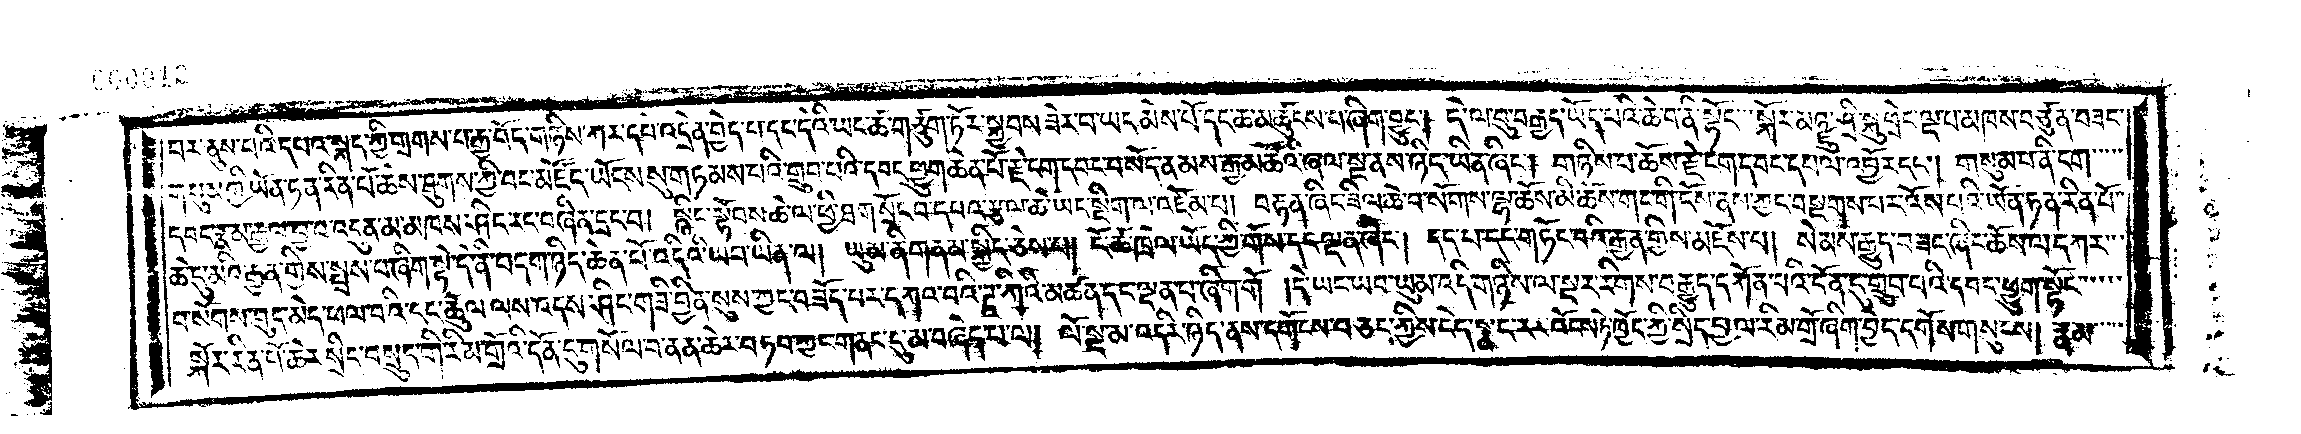པར་ནུས་པའི་དཔའ་སྐད་ཀྱི་གྲགས་པ་རྒྱ་བོད་གཉིས་ཀར་དཔེ་འདྲེན་བྱེད་པ་དང་དེའི་ཡང་ཚ་གཙུག་ཏོར་སྐྱབས་ཟེར་བ་ཡང་མེས་པོ་དང་ཆ་མཚུངས་པ་ཞིག་བྱུང་། དེ་ལ་བུ་བརྒྱད་ཡོད་པའི་ཆེ་བ་ནི་སྟོང་སྐོར་མཉྫུ་ཤྲི་སྐུ་ཕྲེང་ལྔ་པ་མཁས་བཙུན་བཟང་
གསུམ་གྱི་ཡོན་ཏན་རིན་པོ་ཆེས་ཐུགས་ཀྱི་བར་མཛོད་ཡོངས་སུ་གཏམས་པའི་གྲུབ་པའི་དབང་ཕྱུག་ཆེན་པོ་རྗེ་ངག་དབང་བསོད་ནམས་རྒྱ་མཚོའི་ཞལ་སྔ་ནས་ཉིད་ཡིན་ཞིང་། གཉིས་པ་ཆོས་རྗེ་ངག་དབང་དཔལ་འབྱོར་དང་། གསུམ་པ་ནི་ངག་
དབང་རྣམ་རྒྱལ་བྱ་བ་འདུན་མ་མཁས་ཤིང་རང་བཞིན་དྲང་བ། སྙིང་སྟོབས་ཆེ་ལ་ཕྱི་ཐག་སྲོང་བ་དཔའ་རྩལ་ཆེ་ཡང་སྡིག་ལ་འཛེམ་པ། བརྟན་ཞིང་ཟིལ་ཆེ་བ་སོགས་ལྷ་ཆོས་མི་ཆོས་གང་གི་ངོས་ནས་ཀྱང་བསྔགས་པར་འོས་པའི་ཡོན་ཏན་རིན་པོ་
ཆེ་དུ་མའི་རྒྱན་གྱིས་སྤྲས་པ་ཞིག་སྟེ་དེ་ནི་བདག་ཉིད་ཆེན་པོ་འདིའི་ཡབ་ཡིན་ལ། ཡུམ་ནི་གནམ་སྐྱིད་ཅེས་པ། ངོ་ཚ་ཁྲེལ་ཡོད་ཀྱི་གོས་དང་ལྡན་ཞིང་། དད་པ་དང་གཏོང་པའི་རྒྱན་གྱིས་མཛེས་པ། སེམས་རྒྱུད་བཟང་ཞིང་ཆོས་ལ་དཀར་
བ་སོགས་བུད་མེད་ཕལ་བའི་ངང་ཚུལ་ལས་འདས་ཤིང་གཟི་བྱིན་སུས་ཀྱང་བཟོད་པར་དཀའ་བའི་ཌཱ་ཀིའི་མཚན་དང་ལྡན་པ་ཞིག་གོ །དེ་ཡང་ཡབ་ཡུམ་འདི་གཉིས་ལ་སྔར་རིགས་བརྒྱུད་དཀོན་པའི་དོན་དུ་གྲུབ་པའི་དབང་ཕྱུག་སྟོང་
སྐོར་རིན་པོ་ཆེར་སྲིད་བསྲུང་གི་རིམ་གྲོའི་དོན་དུ་གསོལ་བ་ནན་ཆེར་བཏབ་ཀྱང་གནང་དུ་མ་བཞེད་པ་ལ། ལོ་སྔ་མ་འདིར་ཉིད་ནས་དགོངས་བཅད་ཀྱིས་ངེད་སྣང་རར་འོང་ཁྱོད་ཀྱི་སྲིད་བྱ་ལ་རིམ་གྲོ་ཞིག་བྱེད་དགོས་གསུངས། རྣམ་